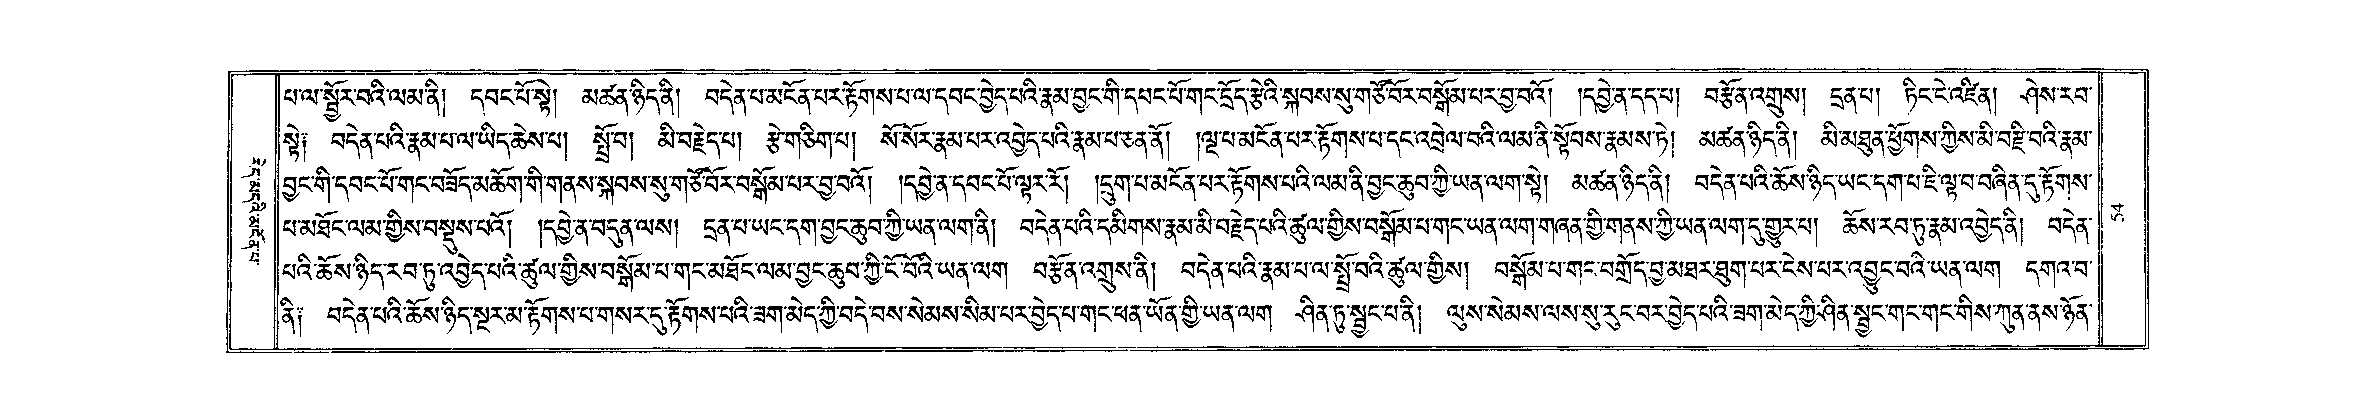པ་ལ་སྦྱོར་བའི་ལམ་ནི། དབང་པོ་སྟེ། མཚན་ཉིད་ནི། བདེན་པ་མངོན་པར་རྟོགས་པ་ལ་དབང་བྱེད་པའི་རྣམ་བྱང་གི་དབང་པོ་གང་དྲོད་རྩེའི་སྐབས་སུ་གཙོ་བོར་བསྒོམ་པར་བྱ་བའོ། །དབྱེ་ན་དད་པ། བརྩོན་འགྲུས། དྲན་པ། ཏིང་ངེ་འཛིན། ཤེས་རབ་
སྟེ༑ བདེན་པའི་རྣམ་པ་ལ་ཡིད་ཆེས་པ། སྤྲོ་བ། མི་བརྗེད་པ། རྩེ་གཅིག་པ། སོ་སོར་རྣམ་པར་འབྱེད་པའི་རྣམ་པ་ཅན་ནོ། །ལྔ་པ་མངོན་པར་རྟོགས་པ་དང་འབྲེལ་བའི་ལམ་ནི་སྟོབས་རྣམས་ཏེ། མཚན་ཉིད་ནི། མི་མཐུན་ཕྱོགས་ཀྱིས་མི་བརྫི་བའི་རྣམ་
བྱང་གི་དབང་པོ་གང་བཟོད་མཆོག་གི་གནས་སྐབས་སུ་གཙོ་བོར་བསྒོམ་པར་བྱ་བའོ། །དབྱེ་ན་དབང་པོ་ལྟར་རོ། །དྲུག་པ་མངོན་པར་རྟོགས་པའི་ལམ་ནི་བྱང་ཆུབ་ཀྱི་ཡན་ལག་སྟེ། མཚན་ཉིད་ནི། བདེན་པའི་ཆོས་ཉིད་ཡང་དག་པ་ཇི་ལྟ་བ་བཞིན་དུ་རྟོགས་
པ་མཐོང་ལམ་གྱིས་བསྡུས་པའོ། །དབྱེ་ན་བདུན་ལས། དྲན་པ་ཡང་དག་བྱང་ཆུབ་ཀྱི་ཡན་ལག་ནི། བདེན་པའི་དམིགས་རྣམ་མི་བརྗེད་པའི་ཚུལ་གྱིས་བསྒོམ་པ་གང་ཡན་ལག་གཞན་གྱི་གནས་ཀྱི་ཡན་ལག་དུ་གྱུར་པ། ཆོས་རབ་ཏུ་རྣམ་འབྱེད་ནི། བདེན་
པའི་ཆོས་ཉིད་རབ་ཏུ་འབྱེད་པའི་ཚུལ་གྱིས་བསྒོམ་པ་གང་མཐོང་ལམ་བྱང་ཆུབ་ཀྱི་ངོ་བོའི་ཡན་ལག་བརྩོན་འགྲུས་ནི། བདེན་པའི་རྣམ་པ་ལ་སྤྲོ་བའི་ཚུལ་གྱིས། བསྒོམ་པ་གང་བགྲོད་བྱ་མཐར་ཐུག་པར་ངེས་པར་འབྱུང་བའི་ཡན་ལག་དགའ་བ་
ནི༑ བདེན་པའི་ཆོས་ཉིད་སྔར་མ་རྟོགས་པ་གསར་དུ་རྟོགས་པའི་ཟག་མེད་ཀྱི་བདེ་བས་སེམས་སིམ་པར་བྱེད་པ་གང་ཕན་ཡོན་གྱི་ཡན་ལག་ཤིན་ཏུ་སྦྱང་པ་ནི། ལུས་སེམས་ལས་སུ་རུང་བར་བྱེད་པའི་ཟག་མེད་ཀྱི་ཤིན་སྦྱང་གང་གང་གིས་ཀུན་ནས་ཉོན་